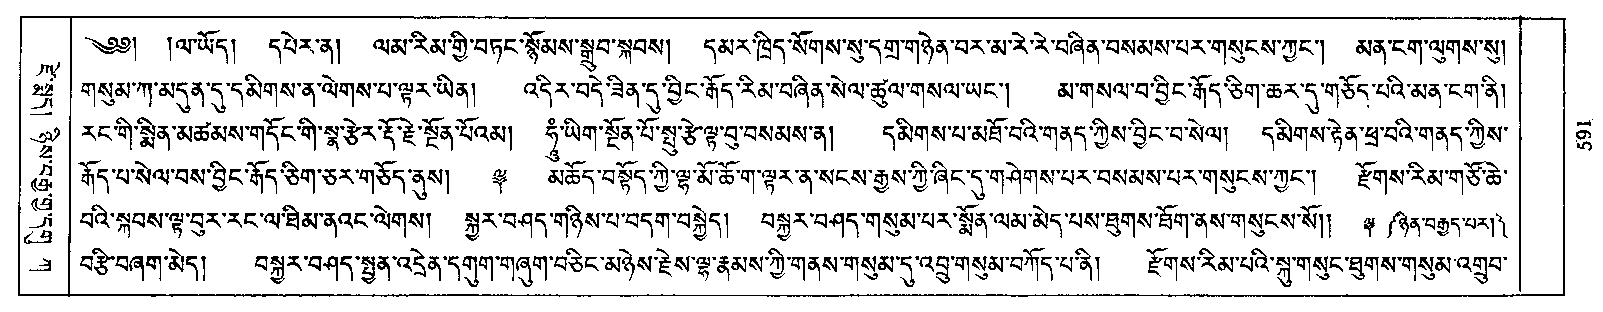༄༅། །ལ་ཡོད། དཔེར་ན། ལམ་རིམ་གྱི་བཏང་སྙོམས་སྒྲུབ་སྐབས། དམར་ཁྲིད་སོགས་སུ་དགྲ་གཉེན་བར་མ་རེ་རེ་བཞིན་བསམས་པར་གསུངས་ཀྱང་། མན་ངག་ལུགས་སུ།
གསུམ་ཀ་མདུན་དུ་དམིགས་ན་ལེགས་པ་ལྟར་ཡིན། འདིར་བདེ་ཟིན་དུ་བྱིང་རྒོད་རིམ་བཞིན་སེལ་ཚུལ་གསལ་ཡང་། མ་གསལ་བ་བྱིང་རྒོད་ཅིག་ཆར་དུ་གཅོད་པའི་མན་ངག་ནི།
རང་གི་སྨིན་མཚམས་གདོང་གི་སྣ་རྩེར་རྡོ་རྗེ་སྔོན་པོའམ། ཧཱུཾ་ཡིག་སྔོན་པོ་སྤུ་རྩེ་ལྟ་བུ་བསམས་ན། དམིགས་པ་མཐོ་བའི་གནད་ཀྱིས་བྱིང་བ་སེལ། དམིགས་རྟེན་ཕྲ་བའི་གནད་ཀྱིས་
རྒོད་པ་སེལ་བས་བྱིང་རྒོད་ཅིག་ཅར་གཅོད་ནུས། ༈ མཆོད་བསྟོད་ཀྱི་ལྷ་མོ་ཆོ་ག་ལྟར་ན་སངས་རྒྱས་ཀྱི་ཞིང་དུ་གཤེགས་པར་བསམས་པར་གསུངས་ཀྱང་། རྫོགས་རིམ་གཙོ་ཆེ་
བའི་སྐབས་ལྟ་བུར་རང་ལ་ཐིམ་ནའང་ལེགས། སྐྱར་བཤད་གཉིས་པ་བདག་བསྐྱེད། བསྐྱར་བཤད་གསུམ་པར་སྨོན་ལམ་མེད་པས་ཐུགས་ཐོག་ནས་གསུངས་སོ།། ༈ ཉིན་བརྒྱད་པར།?
བརྩི་བཞག་མེད། བསྐྱར་བཤད་སྤྱན་འདྲེན་དགུག་གཞུག་བཅིང་མཉེས་རྗེས་ལྷ་རྣམས་ཀྱི་གནས་གསུམ་དུ་འབྲུ་གསུམ་བཀོད་པ་ནི། རྫོགས་རིམ་པའི་སྐུ་གསུང་ཐུགས་གསུམ་འགྲུབ་